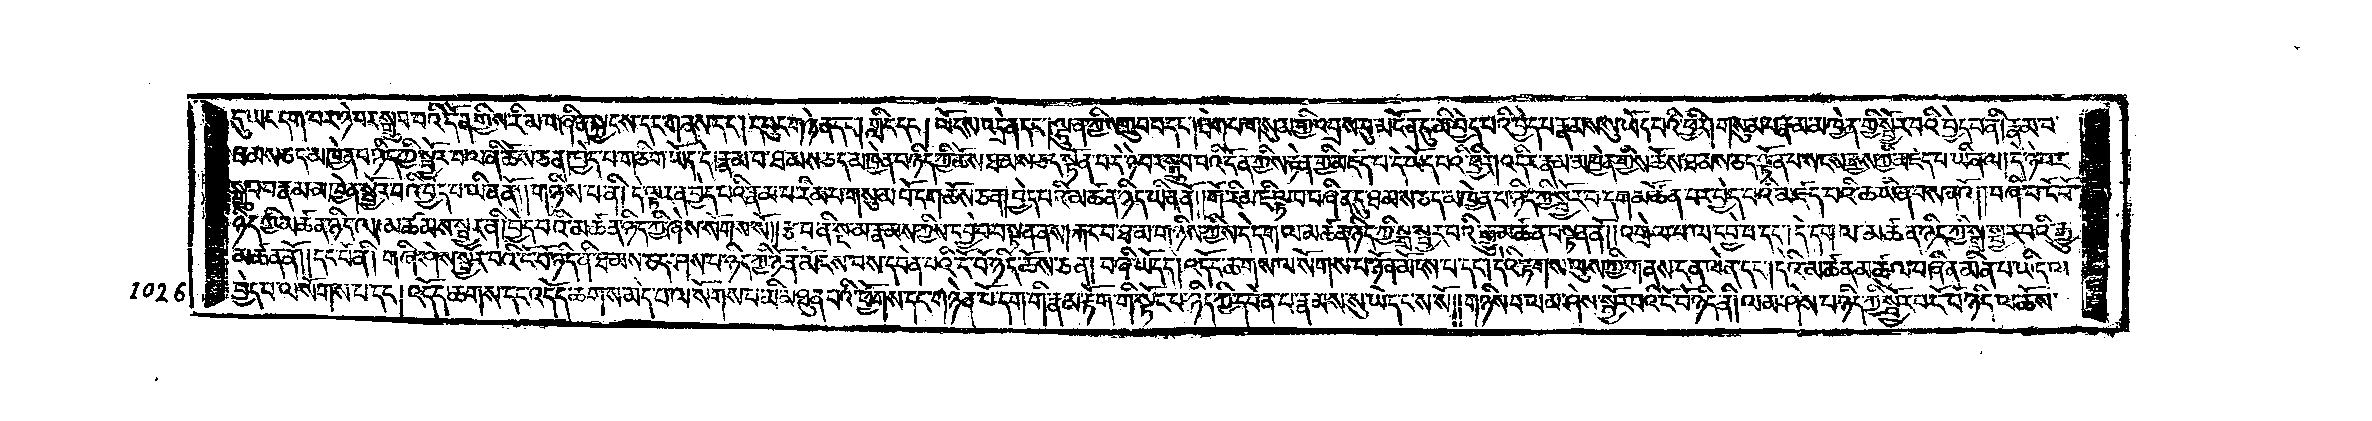དུ་ཡང་དག་པར་ཉེ་བར་སྒྲུབ་པའི་དོན་གྱིས་རིམ་བཞིན་སྐྱངས་དང་གནས་དང་། དཔུང་གཉེན་དང་། གླིང་དང་། ལོངས་འདྲེན་དང་། ལྷུན་གྱིས་གྲུབ་པ་དང་། ཐེག་པ་གསུམ་གྱི་འབྲས་བུ་མངོན་དུ་མི་བྱེད་པའི་བྱེད་པ་རྣམས་སུ་ཡོད་པའི་ཕྱིར། གསུམ་པ་རྣམ་མཁྱེན་གྱི་སྦྱོར་བའི་བྱེད་པ་ནི། རྣམ་པ་
ཐམས་ཅད་མཁྱེན་པ་ཉིད་ཀྱི་སྦྱོར་བ་ལ་ནི་ཆོས་ཅན། བྱེད་པ་གཅིག་ཡོད་དེ། རྣམ་པ་ཐམས་ཅད་མཁྱེན་པ་ཉིད་ཀྱི་ཆོས་ཐམས་ཅད་སྟོན་པ་དེ་ཉེ་བར་སྒྲུབ་པའི་དོན་ཀྱིས་རྟེན་གྱི་མཛད་པ་དེ་ཡོད་པའི་ཕྱིར། འདིར་རྣམ་མཁྱེན་གྱིས་ཆོས་ཐམས་ཅད་སྟོན་པ་སངས་རྒྱས་ཀྱི་མཛད་པ་ཡིན་ལ། དེ་ཉེ་བར་
སྒྲུབ་པ་རྣམ་མཁྱེན་སྦྱོར་བའི་བྱེད་པ་ཡིན་ནོ། །གཉིས་པ་ནི། དེ་ལྟར་ན་བྱེད་པའི་རྣམ་པ་རིམ་པ་གསུམ་པོ་དག་ཆོས་ཅན། བྱེད་པའི་མཚན་ཉིད་ཡིན་ནོ། །གོ་རིམ་ཇི་ལྟ་བ་བཞིན་དུ་ཐམས་ཅད་མཁྱེན་པ་ཉིད་ཀྱི་སྦྱོར་བ་དག་མཚོན་པར་བྱེད་པའི་མཛད་པའི་ཆ་ཡིན་པས་ནའོ། །བཞི་པ་ངོ་བོ་
ཉིད་ཀྱི་མཚན་ཉིད་ལ། མཚམས་སྦྱར་ནི། བྱེད་པའི་མཚན་ཉིད་ཀྱི་ཞེས་སོགས་སོ། །རྩ་བ་ནི་སྔ་མ་རྣམས་ཀྱིས་དབྱེ་བ་བསྟན་ནས། རྐང་བ་ཐ་མ་གཉིས་ཀྱིས་དེ་དག་ལ་མཚན་ཉིད་ཀྱི་སྒྲ་སྦྱར་བའི་རྒྱུ་མཚན་བསྟན་ནོ། །འགྲེལ་པ་ལ་དབྱེ་བ་དང་། དེ་དག་ལ་མཚན་ཉིད་ཀྱི་སྒྲ་སྦྱར་བའི་རྒྱུ་
མཚན་ནོ། །དང་པོ་ནི། གཞི་ཤེས་སྦྱོར་བའི་ངོ་བོ་ཉིད་ནི་ཐམས་ཅད་ཤེས་པ་ཉིད་ཀྱི་ཉོན་མོངས་པས་དབེན་པའི་ངོ་བོ་ཉིད་ཆོས་ཅན། བཞི་ཡོད་དེ། འདོད་ཆགས་ལ་སོགས་པ་ཉོན་མོངས་པ་དང་། དེའི་རྟགས་ལུས་ཀི་གནས་ངན་ལེན་དང་། དེའི་མཚན་མ་ཚུལ་བཞིན་མིན་པ་ཡིད་ལ་
བྱེད་པ་ལ་སོགས་པ་དང་། འདོད་ཆགས་དང་འདོད་ཆགས་མེད་པ་ལ་སོགས་པ་མི་མཐུན་པའི་ཕྱོགས་དང་གཉེན་པོ་དག་གི་རྣམ་རྟོག་གི་སྟོང་པ་ཉིད་ཀྱི་དབེན་པ་རྣམས་སུ་ཡོད་པས་སོ། །གཉིས་པ་ལམ་ཤེས་སྦྱོར་བའི་ངོ་བོ་ཉིད་ནི། ལམ་ཤེས་པ་ཉིད་ཀྱི་སྦྱོར་བ་ངོ་བོ་ཉིད་ལ་ཆོས་